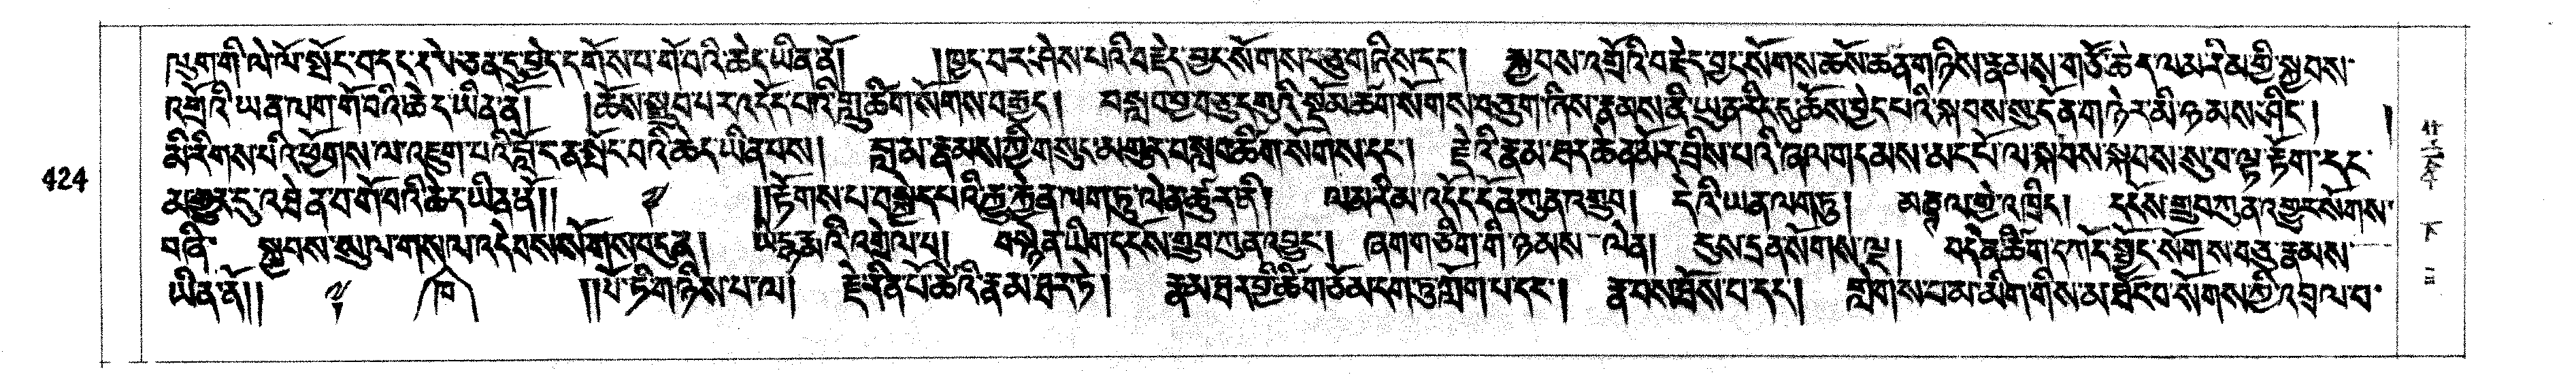ཁུག་གི་ལེ་ལོ་སྤོང་བ་དང་དཔེ་ཅན་དུ་བྱེད་དགོས་པ་གོ་བའི་ཆེད་ཡིན་ནོ། །ཁྱད་བར་ཤེས་པའི་བརྗེད་བྱང་སོགས་བཅུ་གཞིས་དང་། སྐྱབས་འགྲོའི་བརྗེད་བྱང་སོགས་ཆོས་ཚན་གཉིས་རྣམས་གཙོ་ཆེད་ལམ་རིམ་གྱི་སྐྱབས་
འགྲོའི་ཡན་ལག་གོ་བའི་ཆེད་ཡིན་ནོ། །ཆོས་སྒྲུབ་པར་འདོད་པའི་གླུ་ཚིག་སོགས་བརྒྱད། བསླབ་བྱ་བཅུ་དགུའི་སྡོམ་ཚག་སོགས་བཅུག་ཞིས་རྣམས་ནི་ཡུན་རིང་དུ་ཆོས་བྱེད་པའི་སྐབས་སུ་དོན་གཉེར་མི་ཉམས་ཤིང་། །
མི་རིགས་པའི་ཕྱོགས་ལ་འཇུག་པའི་བློ་ངན་སྤོང་བའི་ཆེད་ཡིན་པས། བླ་མ་རྣམས་ཀྱི་གསུང་མགུར་བསླབ་ཚིག་སོགས་དང་། རྗེའི་རྣམ་ཐར་ཆེན་མོར་བྲིས་པའི་ཞལ་གདམས་མང་པོ་ལ་སྐབས་སྐབས་སུ་བ་ལྟ་རྟོག་དང་
མ་གྱུར་དུ་འཐེན་བ་གོ་བའི་ཆེད་ཡིན་ནོ།། ༈ །།རྟོགས་པ་བསྐྱེད་པའི་རྐྱུ་རྐྱེན་ལག་ཏུ་ལེན་ཚུར་ནི། ལམ་རིམ་འདོད་དོན་ཀུན་འགྲུབ། དེའི་ཡན་ལག་ཏུ། མཎྜལ་གྱེ་འཁྲིད། དངོས་གྲུབ་ཀུན་འགྱུར་སོགས་
བཞི་སྐྱབས་སུ་ལ་གསལ་འདེབས་སོགས་བདུན། ཡེདྷརྨའི་འགྲེལ་པ། བསྙེན་ཡིག་དངོས་གྲུབ་ཀུན་འབྱུང་། ཞག་གཅིག་གི་ཉམས་ལེན། དུས་དྲན་སོགས་ལྔ། བདེན་ཚིག་དཀོད་སྤྱོང་སོགས་བཅུ་རྣམས་
ཡིན་ནོ།། ༈ ཁ྄་།།པོ་ཏི་གཉིས་པ་ལ། རྗེ་རིན་པོ་ཚེའི་རྣམ་ཐར་ཏེ། རྣམ་ཐར་བྱི་ཚིག་ཅོམ་ངག་ཏུ་ཀློག་པ་དང་། རྣ་བས་ཐོས་པ་དང་། གླེགས་པ་མ་མིག་གིས་མཐོང་བ་སོགས་ཀྱི་འབྲལ་བ་